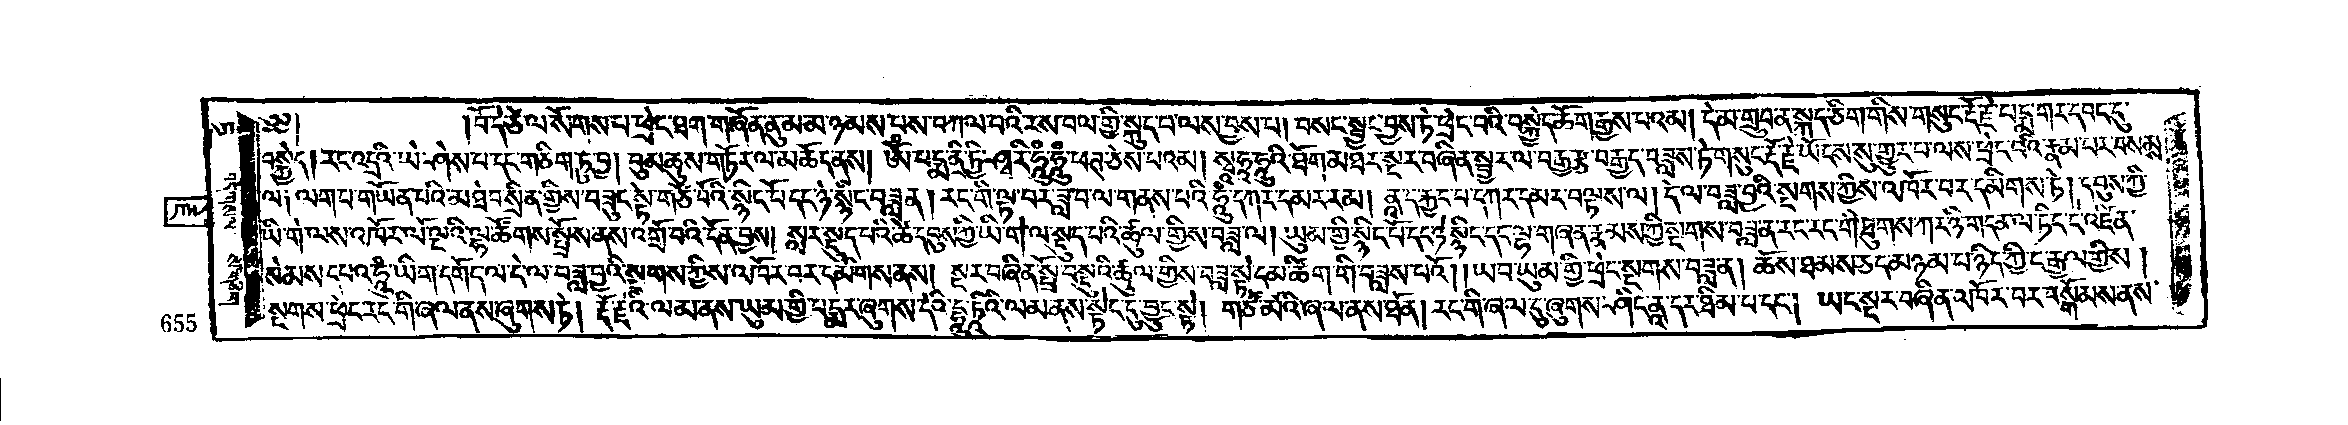༄༅། །བོ་དེ་ཙེ་ལ་སོགས་པ་ཕྲེང་ཐག་གཞོན་ནུ་མ་ཉམས་པས་བཀལ་བའི་རས་བལ་གྱི་སྐུད་པ་ལས་བྱས་པ། བསང་སྦྱང་བྱས་ཏེ་ཕྲེང་བའི་བསྐྱེད་ཆོག་རྒྱས་པའམ། དེ་མ་གྲུབ་ན་སྐད་ཅིག་གིས་གསུང་རྡོ་རྗེ་པདམ་གར་དབང་དུ་
བསྐྱེད། རང་འདྲའི་ཡེ་ཤེས་པ་དང་གཅིག་ཏུ་བྱ། བུམ་ཆུས་གཏོར་ལ་མཆོད་ནས། ཨོཾ་པདམ་ནྲི་ཏྱི་ཤྭ་རི་ཧཱུཾ་ཧཱུཾ་ཕཊ་ཅེས་པའམ། སྭཱ་ཧཱ་ཧཱུའི་ཐོག་མཐར་སྔར་བཞིན་སྦྱར་ལ་བརྒྱ་རྩ་བརྒྱད་བཟླས་ཏེ་གསུང་རྡོ་རྗེ་ཡོངས་སུ་གྱུར་པ་ལས་ཕྲེང་བའི་རྣམ་པར་བསམས་
ལ། ལག་པ་གཡོན་པའི་མཐོབ་སྲིན་གྱིས་བཟུང་སྟེ་གཙོ་བོའི་སྙིང་པོ་དང་ཉེ་སྙིང་བཟླན། རང་གི་ལྟ་བར་ཟླ་བ་ལ་གནས་པའི་ཧཱུཾ་དཀར་དམར་རམ། ནཱ་ད་རྐྱང་པ་དཀར་དམར་བལྟས་ལ། དེ་ལ་བཟླ་བྱའི་སྔགས་ཀྱིས་འཁོར་བར་དམིགས་ཏེ། དབུས་ཀྱི་
ཡི་གེ་ལས་འཁོར་ལོ་ལྔའི་ལྷ་ཚོགས་སྤྲོས་ནས་འགྲོ་བའི་དོན་བྱས། སླར་སྡུད་པའི་ཚེ་དབུས་ཀྱི་ཡི་གེ་ལ་སྡུད་པའི་ཚུལ་གྱིས་བཟླ་ལ། ཡུམ་གྱི་སྙིང་པོ་དང་ཉེ་སྙིང་དང་ལྷ་གཞན་རྣམས་ཀྱི་སྔགས་བཟླ་ན་རང་རང་གི་ཐུགས་ཀར་ཉི་གདན་ལ་ཏིང་ངེ་འཛིན་
སེམས་དཔའ་ཧཱུཾ་ཡིག་དགོད་ལ་དེ་ལ་བཟླ་བྱའི་སྔགས་ཀྱིས་འཁོར་བར་དམིགས་ནས། སྔར་བཞིན་སྤྲོ་བསྡུའི་ཚུལ་གྱིས་བཟླ་སྟེ་དམ་ཚིག་གི་བཟླས་པའོ། །ཡབ་ཡུམ་གྱི་ཕྲེང་སྔགས་བཟླ་ན། ཆོས་ཐམས་ཅད་མཉམ་པ་ཉིད་ཀྱི་ང་རྒྱལ་གྱིས།
སྔགས་ཕྲེང་རང་གི་ཞལ་ནས་ཞུགས་ཏེ། རྡོ་རྗེའི་ལམ་ནས་ཡུམ་གྱི་པདམར་ཞུགས་དེའི་དྷཱུ་ཏཱིའི་ལམ་ནས་སྟེང་དུ་བྱུང་སྟེ། གཙོ་མོའི་ཞལ་ནས་ཐོན། རང་གི་ཞལ་དུ་ཞུགས་ཤིང་ནཱ་དར་ཐིམ་པ་དང་། ཡང་སྔར་བཞིན་འཁོར་བར་བསྒོམས་ནས་